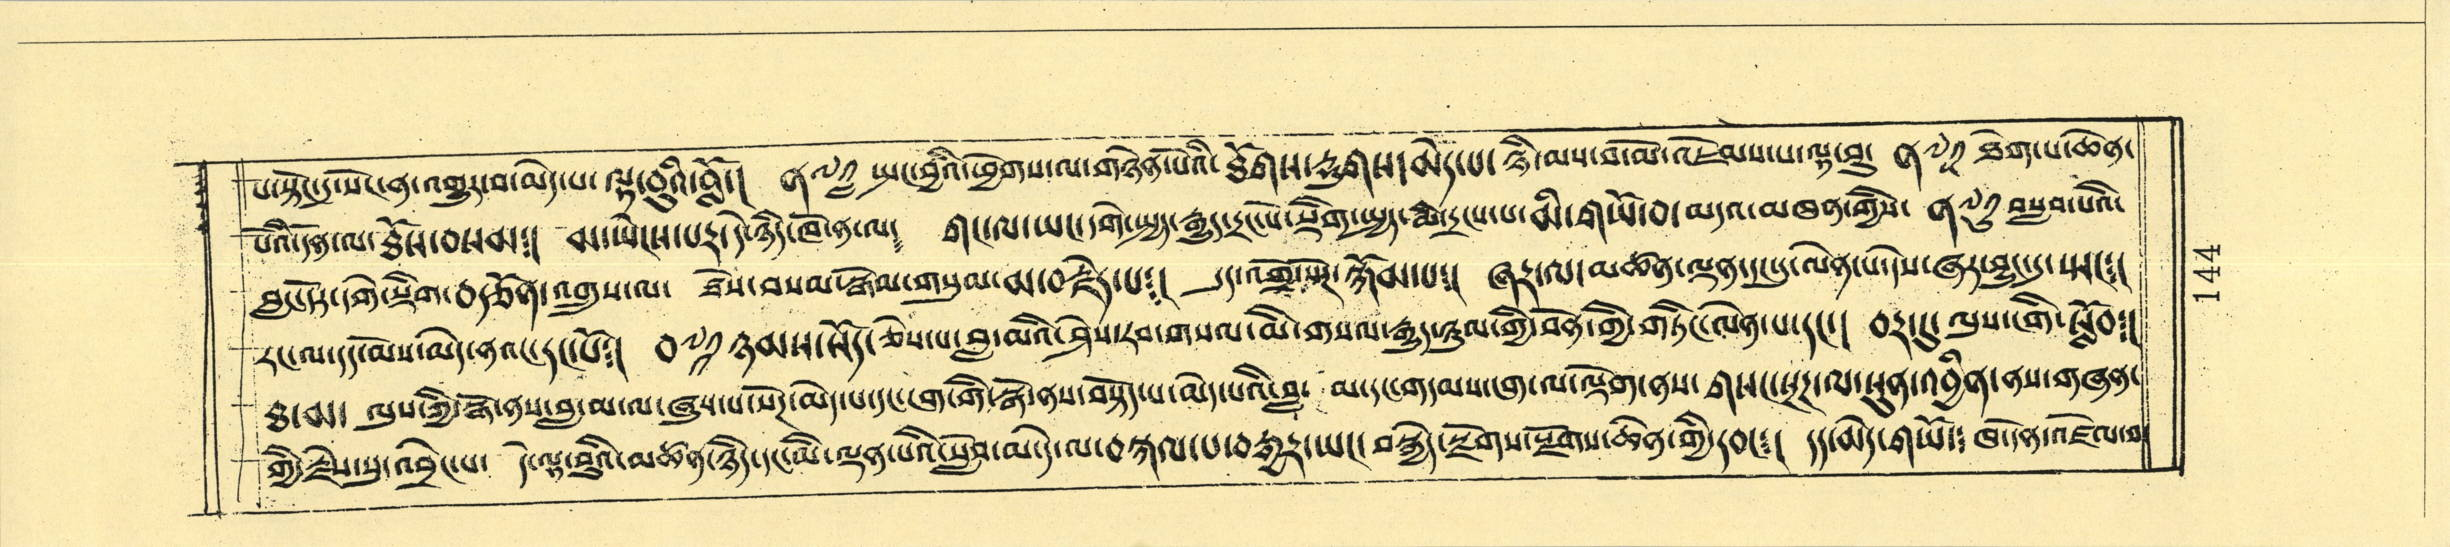པ་སྟོང་དུ་སོང་ན་འགྱུར་བ་མེད་པ་༼ལྟ་བུའི་བློ༽ན༧༡།༤སྤང་བྱའི་ཕྱོགས་ལ་གཉེན་པོའི་༼ཐོག་རྡུག་མེད་པ༽ཉི་མས་བ་མོ་འཇོམས་པ་ལྟ་བུ་ན༧༡།༥ ཐེག་པ་ཆེན་
པོའི་དོན་ལ་༼ཐོས་བསམ༽༼མ་ཡེངས་པར༽དེ་ཁོ་ན་ལ་༼གང་ལ་ཡང༽དགེ་སྤྱད་རྒྱུད་དྲང་པོ་སྡིག་སྤྱད་མི་དྲངས་པ་༼མི་གཡོ་བ༽མདའ་མཁན་གྱིས་ན༧༡།༦ བསླབ་པའི་
བླང་དོར་དགེ་སྡིག་༼བརྩོན་༽འགྲུས་ལ་ཐོས་བསམ་སྒོམ་གསུམ་༼མ་བརྗེད་པ༽དུད་འགྲོ་སོགས་༼སྐོམ་པ༽༼ཞར་ལ༽མཚན་ལྡན་དང་དུ་ལེན་པ་དེས་ཞར་བྱུང་དུ་༼སྤང༽
རང་ལ་དད་མོས་མེད་ནའང་༼དང་པོ༽བ༧༡།༡༼ཉམས་སོད༽ཅེས་པ་བླ་མའི་ཤེས་རབ་གསལ་མི་གསལ་རྒྱུད་ཉུལ་གྱི་བོན་གྱི་གཏིང་ལེན་པ་༼དང་བར་དུ༽ལུས་ངག་གི་༼སློབ་མ༽
༼ཐ་མ༽ལུས་ཀྱི་སྒོ་ནས་བླ་མ་ལ་ཞུས་པ་སོགས་མེད་པ་དང་ངག་གི་སྒོ་ནས་བསྟོད་པ་མེད་པའི་བླ་མ་དང་གདམས་ངག་ལ་ལྡོག་ནས་༼གསང་སྔགས་ལ་སུན་འབྱིན༽ནས་གཞན་
གྱི་རྗེས་སུ་འབྲིངས་པ་དེ་ལྟ་བུའི་མཚན་ཉིད་དང་མི་ལྡན་པའི་སློབ་མ་དེ་ལ་༼བསྐལ་པ་བརྒྱུར་ཡང༽བསྐྱེད་རྫོགས་རྫོགས་ཆེན་གྱི་༼དབང་༽༼དད་མེད་གཡོ་བ༽ཁ་དོན་འཛོལ་བ་